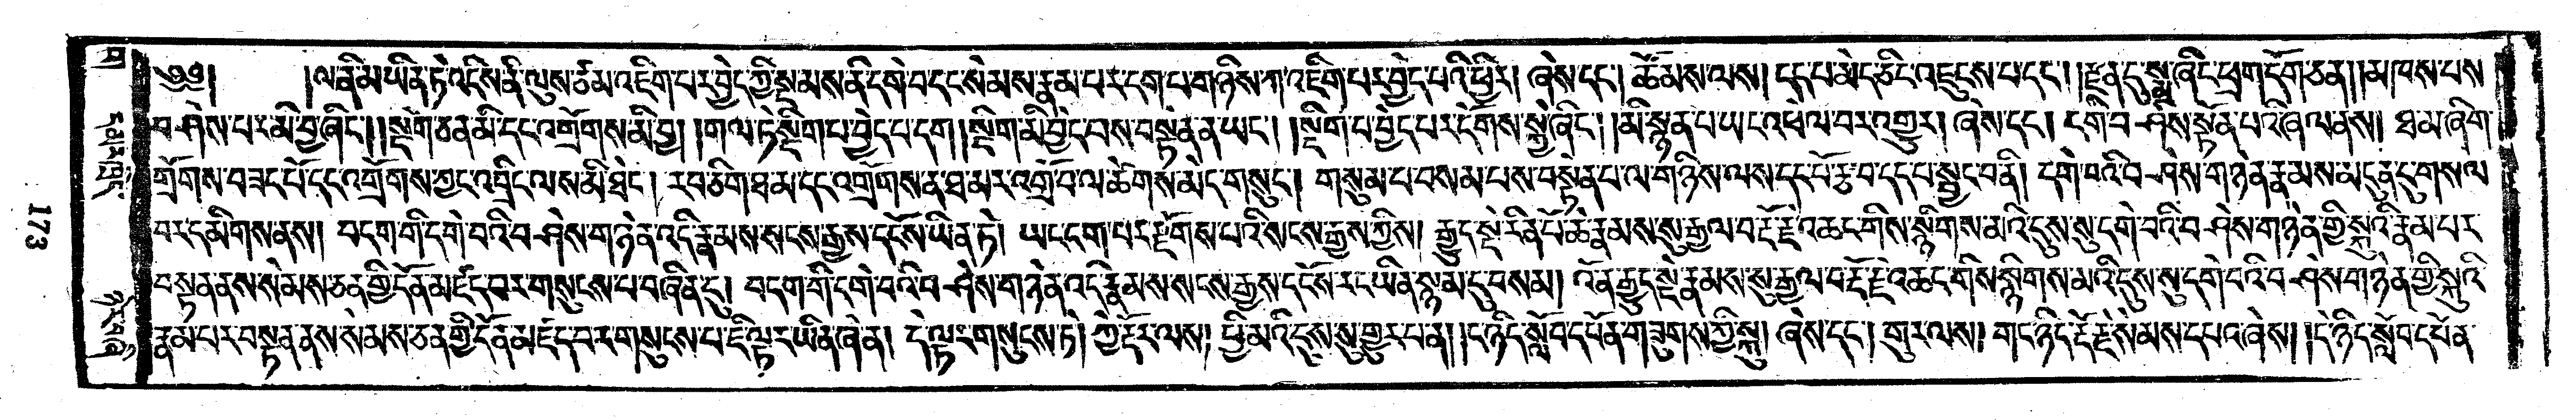༄༅། །ལ་ནི་མ་ཡིན་ཏེ་འདིས་ནི་ལུས་ཙམ་འཇིག་པར་བྱེད་ཀྱི་སྔ་མས་ནི་དགེ་བ་དང་སེམས་རྣམ་པར་དག་པ་གཉིས་ཀ་འཇིག་པར་བྱེད་པའི་ཕྱིར། ཞེས་དང་། ཚོམས་ལས། དད་པ་མེད་ཅིང་འཇུངས་པ་དང་། །རྫན་དུ་སྨྲ་ཞིང་ཕྲག་དོག་ཅན། །མཁས་པས་
བཤེས་པར་མི་བྱ་ཞིང་། །སྡེག་ཅན་མི་དང་འགྲོགས་མི་བྱ། །གལ་ཏེ་སྡིག་པ་བྱེད་པ་དག། སྡིག་མི་བྱེད་བས་བསྟེན་ན་ཡང་། །སྡིག་པ་བྱེད་པར་དོགས་སྐྱེ་ཞིང་། །མི་སྙན་པ་ཡང་འཕེལ་བར་འགྱུར། ཞེས་དང་། དགེ་བཤེས་སྟོན་པའི་ཞལ་ནས། ཐ་མ་ཞིག་
གྲོགས་བཟང་པོ་དང་འགྲོགས་ཀྱང་འབྲིང་ལས་མི་ཐིང་། རབ་ཅིག་ཐ་མ་དང་འགྲོགས་ན་ཐ་མར་འགྲོ་བ་ལ་ཚེགས་མེད་གསུང་། གསུམ་པ་བསམ་པས་བསྟེན་པ་ལ་གཉིས་ལས་དང་པོ་རྩ་བ་དད་པ་སྦྱང་བ་ནི། དགེ་བའི་བཤེས་གཉེན་རྣམས་མདུན་དུ་གསལ་
པར་དམིགས་ནས། བདག་གི་དགེ་བའི་བཤེས་གཉེན་འདི་རྣམས་སངས་རྒྱས་དངོས་ཡིན་ཏེ། ཡང་དག་པར་རྫོགས་པའི་སངས་རྒྱས་ཀྱིས། རྒྱུད་སྡེ་རིན་པོ་ཆེ་རྣམས་སུ་རྒྱལ་བ་རྡོ་རྗེ་འཆང་གིས་སྙིགས་མའི་དུས་སུ་དགེ་བའི་བཤེས་གཉེན་གྱི་སྐུའི་རྣམ་པར་
བསྟན་ནས་སེམས་ཅན་གྱི་དོན་མཛད་པར་གསུངས་པ་བཞིན་དུ། བདག་གི་དགེ་བའི་བཤེས་གཉེན་འདི་རྣམས་སངས་རྒྱས་དངོས་རང་ཡིན་སྙམ་དུ་བསམ། འོ་ན་རྒྱུད་སྡེ་རྣམས་སུ་རྒྱལ་བ་རྡོ་རྗེ་འཆང་གིས་སྙིགས་མའི་དུས་སུ་དགེ་བའི་བཤེས་གཉེན་གྱི་སྐུའི་
རྣམ་པར་བསྟན་ནས་སེམས་ཅན་གྱི་དོན་མཛད་པར་གསུངས་པ་ཇི་ལྟར་ཡིན་ཞེ་ན། དེ་ལྟར་གསུངས་ཏེ། ཀྱེ་རྡོར་ལས། ཕྱི་མའི་དུས་སུ་གྱུར་པ་ན། །ད་ཉིད་སློབ་དཔོན་གཟུགས་ཀྱི་སྐུ། ཞེས་དང་། གུར་ལས། གང་ཉིད་རྡོ་རྗེ་སེམས་དཔའ་ཞེས། །དེ་ཉིད་སློབ་དཔོན་